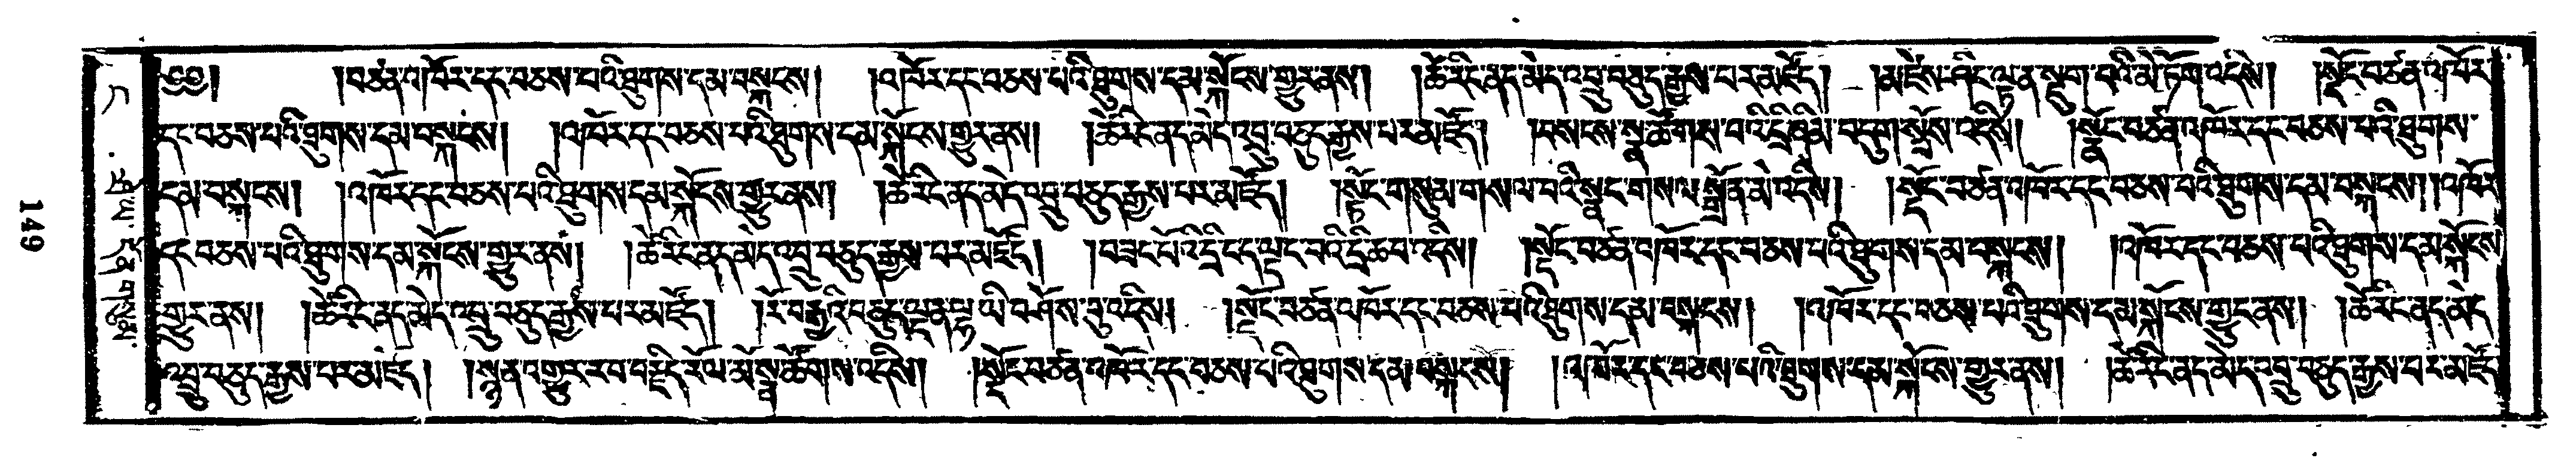༄༅། །བཙན་འཁོར་དང་བཅས་པའི་ཐུགས་དམ་བསྐངས། །འཁོར་དང་བཅས་པའི་ཐུགས་དམ་སྐོངས་གྱུར་ནས། །ཚེ་རིང་ནད་མེད་འབྲུ་བཅུད་རྒྱས་པར་མཛོད། །མཛེས་ཤིང་ལྟ་ན་སྡུག་བའི་མེ་ཏོག་འདིས། །སྡོང་བཙན་འཁོར་
དང་བཅས་པའི་ཐུགས་དམ་བསྐངས། །འཁོར་དང་བཅས་པའི་ཐུགས་དམ་སྐོངས་གྱུར་ནས། །ཚེ་རིང་ནད་མེད་འབྲུ་བཅུད་རྒྱས་པར་མཛོད། །བསངས་སྣ་ཚོགས་པའི་དྲི་ཞིམ་བདུག་སྤོས་འདིས། །སྣོང་བཙན་འཁོར་དང་བཅས་པའི་ཐུགས་
དམ་བསྐངས། །འཁོར་དང་བཅས་པའི་ཐུགས་དམ་སྐོངས་གྱུར་ནས། །ཚེ་རིང་ནད་མེད་འབྲུ་བཅུད་རྒྱས་པར་མཛོད། །སྟོང་གསུམ་གསལ་བའི་སྣང་གསལ་སྒྲོན་མེ་འདིས། །སྡོང་བཙན་འཁོར་དང་བཅས་པའི་ཐུགས་དམ་བསྐངས། །འཁོར་
དང་བཅས་པའི་ཐུགས་དམ་སྐོངས་གྱུར་ནས། །ཚེ་རིང་ནད་མེད་འབྲུ་བཅུད་རྒྱས་པར་མཛོད། །བཟང་པོའི་དྲི་ང་ད་ལྡང་བའི་དྲི་ཆབ་འདྲིས། །སྡོང་བ་ཙན་འཁྲོ་དང་བཅས་པའི་ཐུགས་དམ་བསྐངས། །འཁོར་དང་བཅས་པའི་ཐུགས་དམ་སྐོངས་
གྱུར་ནས། །ཚེ་རིང་ནད་མེད་འབྲུ་བཅུད་རྒྱས་པར་མཛོད། །རོ་བརྒྱའི་བཅུད་ལྡན་ལྷ་ཡི་བཤོས་བུ་འདིས། །སྡོང་བཙན་འཁོར་དང་བཅས་པའི་ཐུགས་དམ་བསྐངས། །འཁོར་དང་བཅས་པའི་ཐུགས་དམ་སྐོངས་གྱུད་ནས། །ཚེ་རིང་ནད་མེད་
འབྲུ་བཅུད་རྒྱས་པར་མཛོད། །སྙན་འགྱུར་རབ་བརྗིད་རོལ་མོ་སྣ་ཚོགས་འདིས། །སྡོང་བཙན་འཁོར་དང་བཅས་པའི་ཐུགས་དམ་བསྐངས། །འཁོར་དང་བཅས་པའི་ཐུགས་དམ་སྐོངས་གྱུར་ནས། །ཚེ་རིང་ནད་མེད་འབྲུ་བཅུད་རྒྱས་པར་མཛོད་